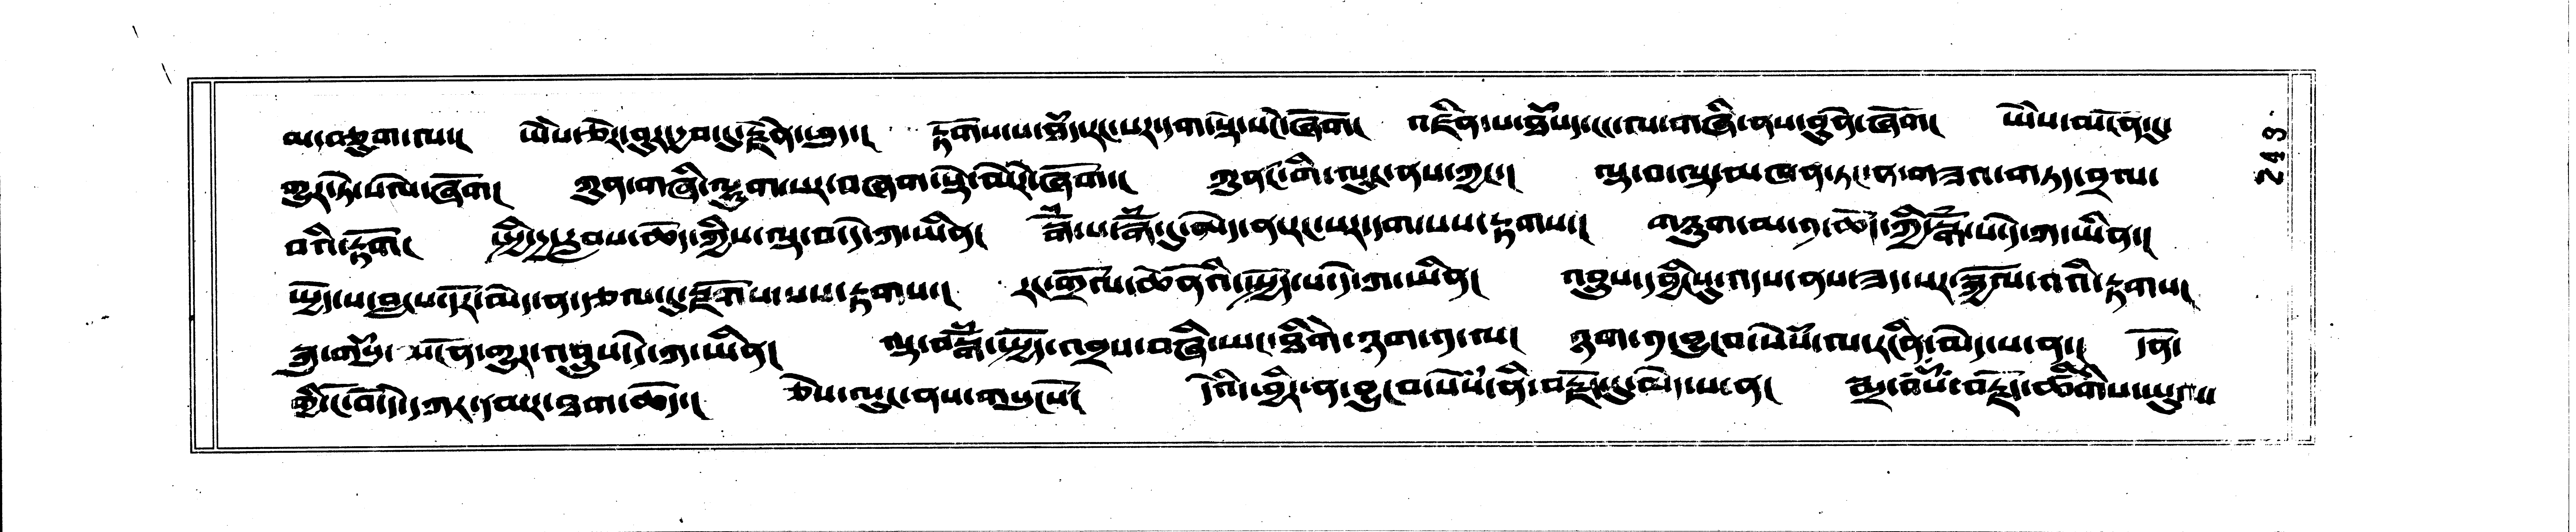བཅུག་ལ། ཡེ་ཤེས་གཅེར་བུ་རྒྱབ་དུ་རྗེན་ནེ་ཕུད། རྟོག་པ་ཐམས་ཅད་རང་སར་དག་སྟེ་སང་ངེ་ཞོག འཛིན་པ་ཐམས་ཅད་ངང་ལ་ཞི་སྟེ་བུན་ནེ་ཞོག ཡེ་ཤེས་མངོན་དུ་
གྱུར་ཏེ་སལེ་ཞོག ཀུན་གཞིའི་ལྷུག་པར་གནས་ཏེ་མེར་རེ་ཞོག ཀུན་བཟང་གིས་ལུང་ནས་ཀྱང་། ལྟ་བ་ལྟ་མཁན་བྲལ་ན་གཟབ་གཏད་བྲལ་
བའི་རྟགས། སྤྱི་བརྒྱ་རླབས་ཆོད་ཀྱི་ལྟ་བ་དེ་ཀ་ཡིན། བསྒོམ་པ་བསྒོམ་དུ་མེད་ན་རང་སར་དག་པའི་རྟགས། གཉུག་མ་གཅིག་ཆོད་ཀྱིས་སྒོམས་པ་དེ་ཀ་ཡིན། 
སྤྱོད་པ་བླང་དོར་མེད་ན་རྩལ་དུ་རྫོགས་པའི་རྟགས། རང་གྲོལ་ཆེན་པོའི་སྤྱོད་པ་དེ་ཀ་ཡིན། འབྲས་བུ་དབྱིངས་སུ་འདས་ན་ཟད་སར་སྐྱོར་པའི་རྟགས། 
སྐུ་གསུམ་མངོན་གྱུར་གྱིས་འབྲས་བུ་དེ་ཀ་ཡིན། ལྟ་སྒོམས་སྤྱོད་འབྲས་གཞི་ཡང་ཐིག་ལེ་ཉག་མ་གཅིག ཉག་གཅིག་བྱང་ཆུབ་སེམས་ལ་རང་བཞིན་མེད་པས་ན། དོན་
གྱིས་ངོའོ་དེ་དཀར་དམར་ཐག་ཆོད། ཅེས་ལུང་ནས་གསུངས། དེའི་ཕྱིར་ན་བྱང་ཆུབ་སེམས་ནི་བརྗོད་དུ་མེད་པས་ན། སྨྲ་བརྗོད་ཚིག་གིས་ཡུལ་